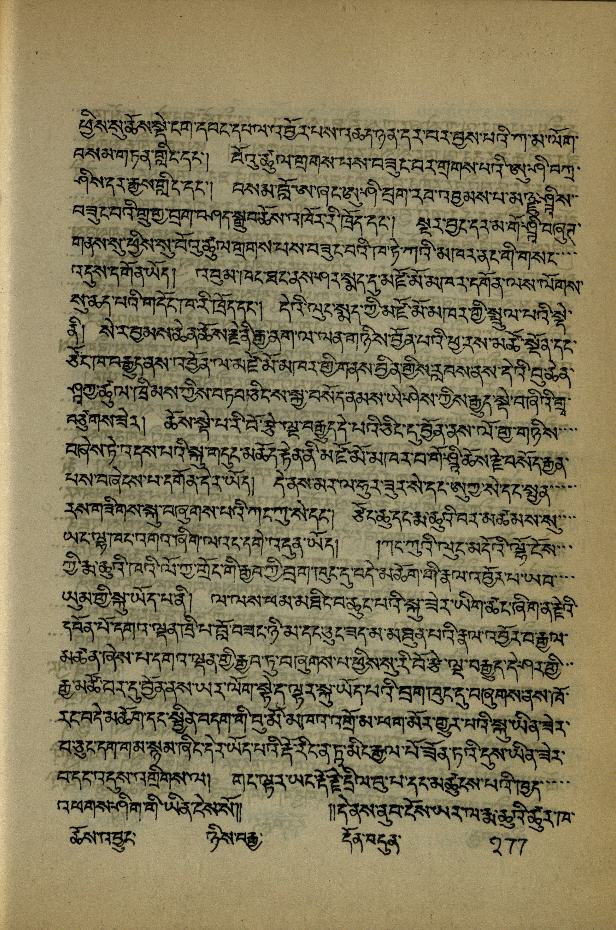ཕྱིས་སུ་ཆོས་སྡེ་ངག་དབང་དཔལ་འབྱོར་པས་འཆད་ཉན་དར་བར་བྱས་པའི་ཀ་མ་ལོག་
བསམ་གཏན་གླིང་དང་། བོའུ་ཚུལ་གྲགས་པས་བཟུང་བར་གྲགས་པའི་ཨུ་ཤི་བཀྲ་
ཤིས་དར་རྒྱས་གླིང་དང་། བསམ་བློ་ཨ་ཞང་ཨུ་ཤི་བྲག་རབ་འབྱམས་པ་མཉྫུ་ཤྲཱི་
བཟུང་བའི་གྲུ་གྱ་བྲག་བཤད་སྒྲུབ་ཆོས་འཁོར་རི་ཁྲོད་དང་། སྔར་བྱང་དར་མགོ་ཤྲཱི་བཞུཊ་
གནས་སུ་ཕྱིས་སུ་བོའུ་ཚུལ་གྲགས་པས་བཟུང་བའི་ཁ་ཏེ་ཀའི་མཁར་ནང་གི་གསང་
འདུས་དགོན་ཡོད། འབུམ་ཁང་ཐང་ནས་ཤར་སྨད་དུ་མཛོ་མོ་མཁར་དགོན་ལས་ལོགས་
སུ་ཆད་པའི་གདོང་ཁ་རི་ཁྲོད་དང་། དེའི་ལུང་སྨད་ཀྱི་མཛོ་མོ་མཁར་གྱི་སྤྲུལ་པའི་སྡེ་
ནི། སེ་ར་བྱམས་ཆེན་ཆོས་རྗེ་ནི་རྒྱ་ནག་ལ་ལན་གཉིས་བྱོན་པའི་ཕྱ་རས་མཚོ་སྔོན་དང་
ཙོང་ཁ་བརྒྱུད་ནས་འབྱོན་ལ་མཛོ་མོ་མཁར་གྱི་གནས་བྱིན་གྱིས་རླབས་ནས་དེའི་བུ་ཆེན་
ཤཱཀྱ་ཚུལ་ཁྲིམས་ཀྱིས་བཏབ་ཅིང་ས་སྐྱ་བསོད་ནམས་ཡེ་ཤེས་ཀྱིས་རྒྱུད་སྡེ་བཞིའི་གྲྭ་
བཙུགས་ཟེར། ཆོས་སྡེ་པ་རི་བོ་རྩེ་ལྔ་བརྒྱུད་དེ་པའི་ཅིང་དུ་བྱོན་ནས་ལོ་གྱ་གཉིས་
བཞེས་ཏེ་འདས་པའི་སྐུ་གདུང་མཆོད་རྟེན་ནི་མཛོ་མོ་མཁར་བ་གོ་ཤྲཱི་ཆོས་རྗེ་བསོད་རྒྱན་
པས་བཞེངས་པ་དགོན་དེར་ཡོད། དེ་ནས་མར་ལ་ཧུར་ཟུར་སེ་དང་ཨུཀྱ་སེ་དང་སྤྱན་
རས་གཟིགས་སྐུ་བཞུགས་པའི་ཀང་ཀུ་སེ་དང་། ཙོང་ཆུ་དང་རྨ་ཆུའི་བར་མཚམས་སུ་
ཡང་ལྷ་ཁང་འགའ་ཞིག་ལའང་དགེ་འདུན་ཡོད། །ཀང་ཀུའི་ལུང་མདོའི་ལྷོ་ངོས་
ཀྱི་རྨ་ཆུའི་ཁའི་ལོ་ཀྱ་གྲོང་གི་རྒྱབ་ཀྱི་བྲག་ཁུང་དུ་བདེ་མཆོག་གི་རྣལ་འབྱོར་པ་ཡབ་
ཡུམ་གྱི་སྐུ་ཡོད་པ་ནི། ལ་ལས་ཕམ་མཐིང་བ་ཆུང་པའི་སྐུ་ཟེར་ཡིག་ཚང་ཞིག་ན་རྗེའི་
དབོན་པོ་དགའ་ལྡན་ཁྲི་པ་བློ་བཟང་ཉི་མ་དང་ཅུང་ཟད་མ་མཐུན་པའི་རྣལ་འབྱོར་བ་རྒྱལ་
མཚན་ཞེས་པ་དགའ་ལྡན་གྱི་རྒྱབ་ཏུ་བཞུགས་པ་ཕྱིས་སུ་རི་བོ་རྩེ་ལྔ་བརྒྱུད་དེ་ཤར་གྱི་
རྒྱ་མཚོ་བར་དུ་བྱོན་ནས་ཡར་ལོག་སྟེ་ད་ལྟར་སྐུ་ཡོད་པའི་བྲག་ཁུང་དུ་བཞུགས་ནས་ཁོ་
རང་བདེ་མཆོག་དང་སྦྱིན་བདག་གི་བུ་མོ་མཁའ་འགྲོ་མ་ཕག་མོར་རྒྱུར་པའི་སྐུ་ཡིན་ཟེར་
བ་ཅུང་དག་གམ་སྙམ་ཞིང་དེར་ཡོད་པའི་རྡོ་རིང་ན་ཏཱ་མིང་རྒྱལ་པོ་ཟོན་ཏའི་དུས་ཡིན་ཟེར་
བ་དང་འདུས་འགྲིགས་ལ། གང་ལྟར་ཡང་རྡོ་རྗེ་དྲིལ་བུ་པ་དང་མཚུངས་པའི་ཁྱད་
འཕགས་ཤིག་གི་ཡིན་ངེས་སོ།། །།དེ་ནས་ནུབ་ངོས་ཡར་ལ་རྨ་ཆུའི་ཚུར་ཁ་